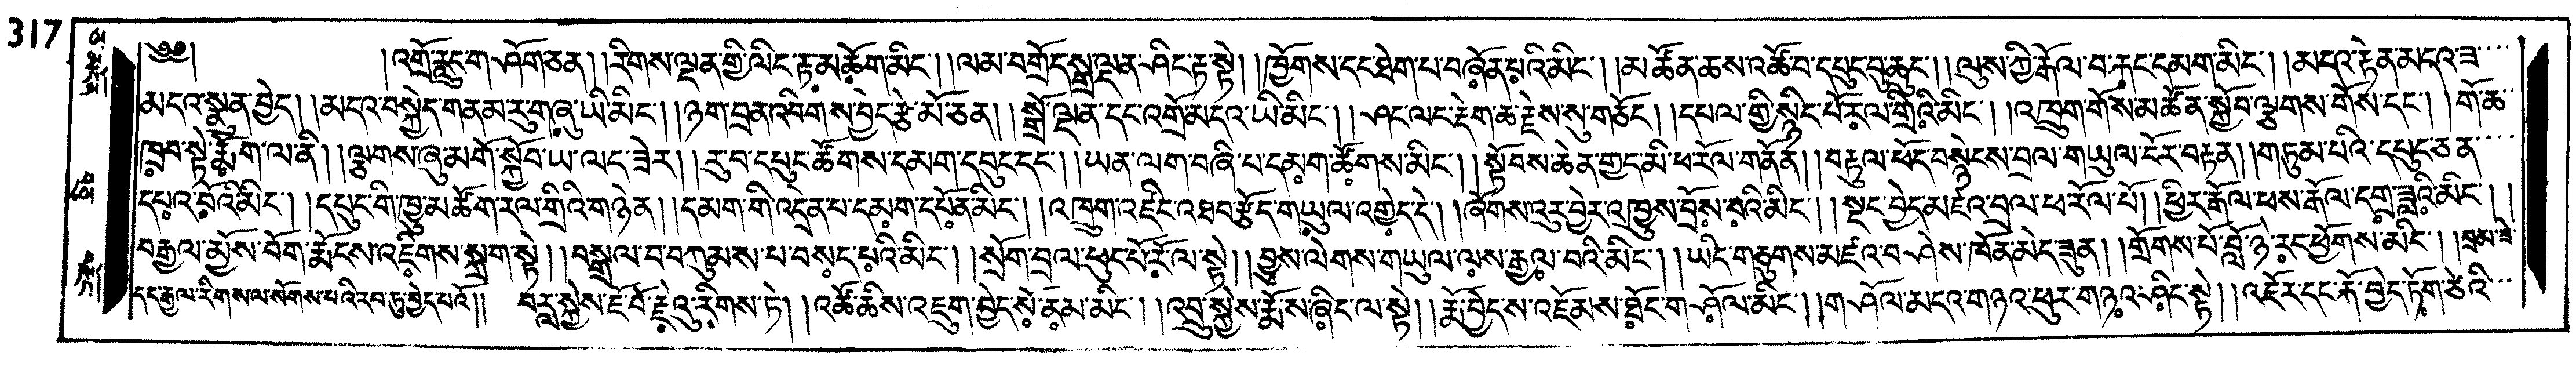༄༅། །འགྲོ་རླུང་གཤོག་ཅན། །རིགས་ལྡན་གྱི་ལིང་རྟ་མཆོག་མིང་། །ལམ་བགྲོད་སྒྲ་ལྡན་ཤིང་རྟ་སྟེ། །ཁྱོགས་དང་ཐེག་པ་བཞོན་པའི་མིང་། །མཚོན་ཆས་མཚོབ་དཔུང་བུ་ཆུང་། །ལུས་ཀྱི་རྒོལ་བ་རྐང་དམག་མིང་། མདའ་རྟེན་མདའ་ཟ་
མདའ་སྣུང་བྱེད། །མདའ་བསྐྱེད་གནམ་རུ་གཞུ་ཡི་མིང་། །ཉག་བྲལ་འབེགས་བྱེད་རྩེ་བོ་ཅན། །སྒྲོ་ལྡན་དང་འགྲོ་མདའ་ཡི་མིང་། །ཤང་ལང་རྡེག་ཆ་རྗེས་སུ་གཅོང་། །དཔལ་གྱི་སྙིང་པོ་རལ་གྲིའི་མིང་། །འཁྲུག་གོས་མཚོན་སྐྱོབ་ལྕགས་གོས་དང་། གོ་ཆ་
ཁྲབ་སྟེ་རྨིག་ལ་ནི། །ལྕགས་ཞུ་མགོ་སྐྱོབ་ཡ་ལང་ཟེར། །རུ་བ་དཔུང་ཚོགས་དམག་དབུང་དང་། །ཡན་ལག་བཞི་པ་དམག་ཚོགས་མིང་། །སྟོབས་ཆེན་གྱད་མི་ཕ་རོལ་གནོན། །བརྟུལ་པོད་བསྙེངས་བྲལ་གཡུལ་ངོར་བརྟན། །གཏུམ་པའི་དཔུང་ཅན་
དཔའ་བོའི་མིང་། །དཔུང་གི་ཁྱུ་མཚོག་རལ་གྲིའི་གཉེན། །དམ་གི་འདྲེན་པ་དམ་དཔོན་མིང་། །འཁྲུག་འཛིན་འཐབ་རྩོད་གཡུལ་འགྱེད་དེ། །ཞོགས་འུར་བྱེར་འཁྱུས་བྲོས་བའི་མིང་། །སྡང་བྱེད་ཛའ་བྲལ་ཕ་རོལ་པོལ། །ཕྱིར་རྒོལ་ཕས་རྒོལ་དགྲ་ཟུའི་མིང་། །
བརྒྱལ་མྱོས་བོག་རྨོངས་འཇིགས་སྒྲག་སྟེ། །བསྒྲལ་བ་བཀུམས་པ་བསད་པའི་མིང་། །སྲོག་བྲལ་ཕུང་པོ་རོ་ལ་སྟེ། །བྱུས་ལེགས་གཡུལ་ལས་རྒྱལ་བའི་མིང་། །ཡིག་བཅུགས་མཛའ་བ་ཤེས་ཁོང་མེད་ཟུན། །གྲོགས་པོ་བློ་ཉེ་རང་ཕྱོགས་མིང་། །བྲམ་ཟེ་
དང་རྒྱལ་རིགས་པ་སོགས་པའི་རབ་ཏུ་བྱེད་པའོ། །བྲལ་སྐྱེས་ཇོ་བོ་རྗེ་འུ་རིགས་ཏེ། །འཚོ་ཆིས་འཇུག་བྱེད་མོ་ནམ་མིང་། །འབྲུ་སྐྱེས་རྨོས་ཞིང་ལ་སྟེ། །རྨོ་བྱེད་ས་འཇོམས་ཐོང་བཤོལ་མིང་། །གཤོལ་མདའ་མཉལ་ཕུར་གཉའ་ཤིང་སྟེ། །འཇོར་དང་རྒོ་བྱེད་ཏོག་རྩེའི་